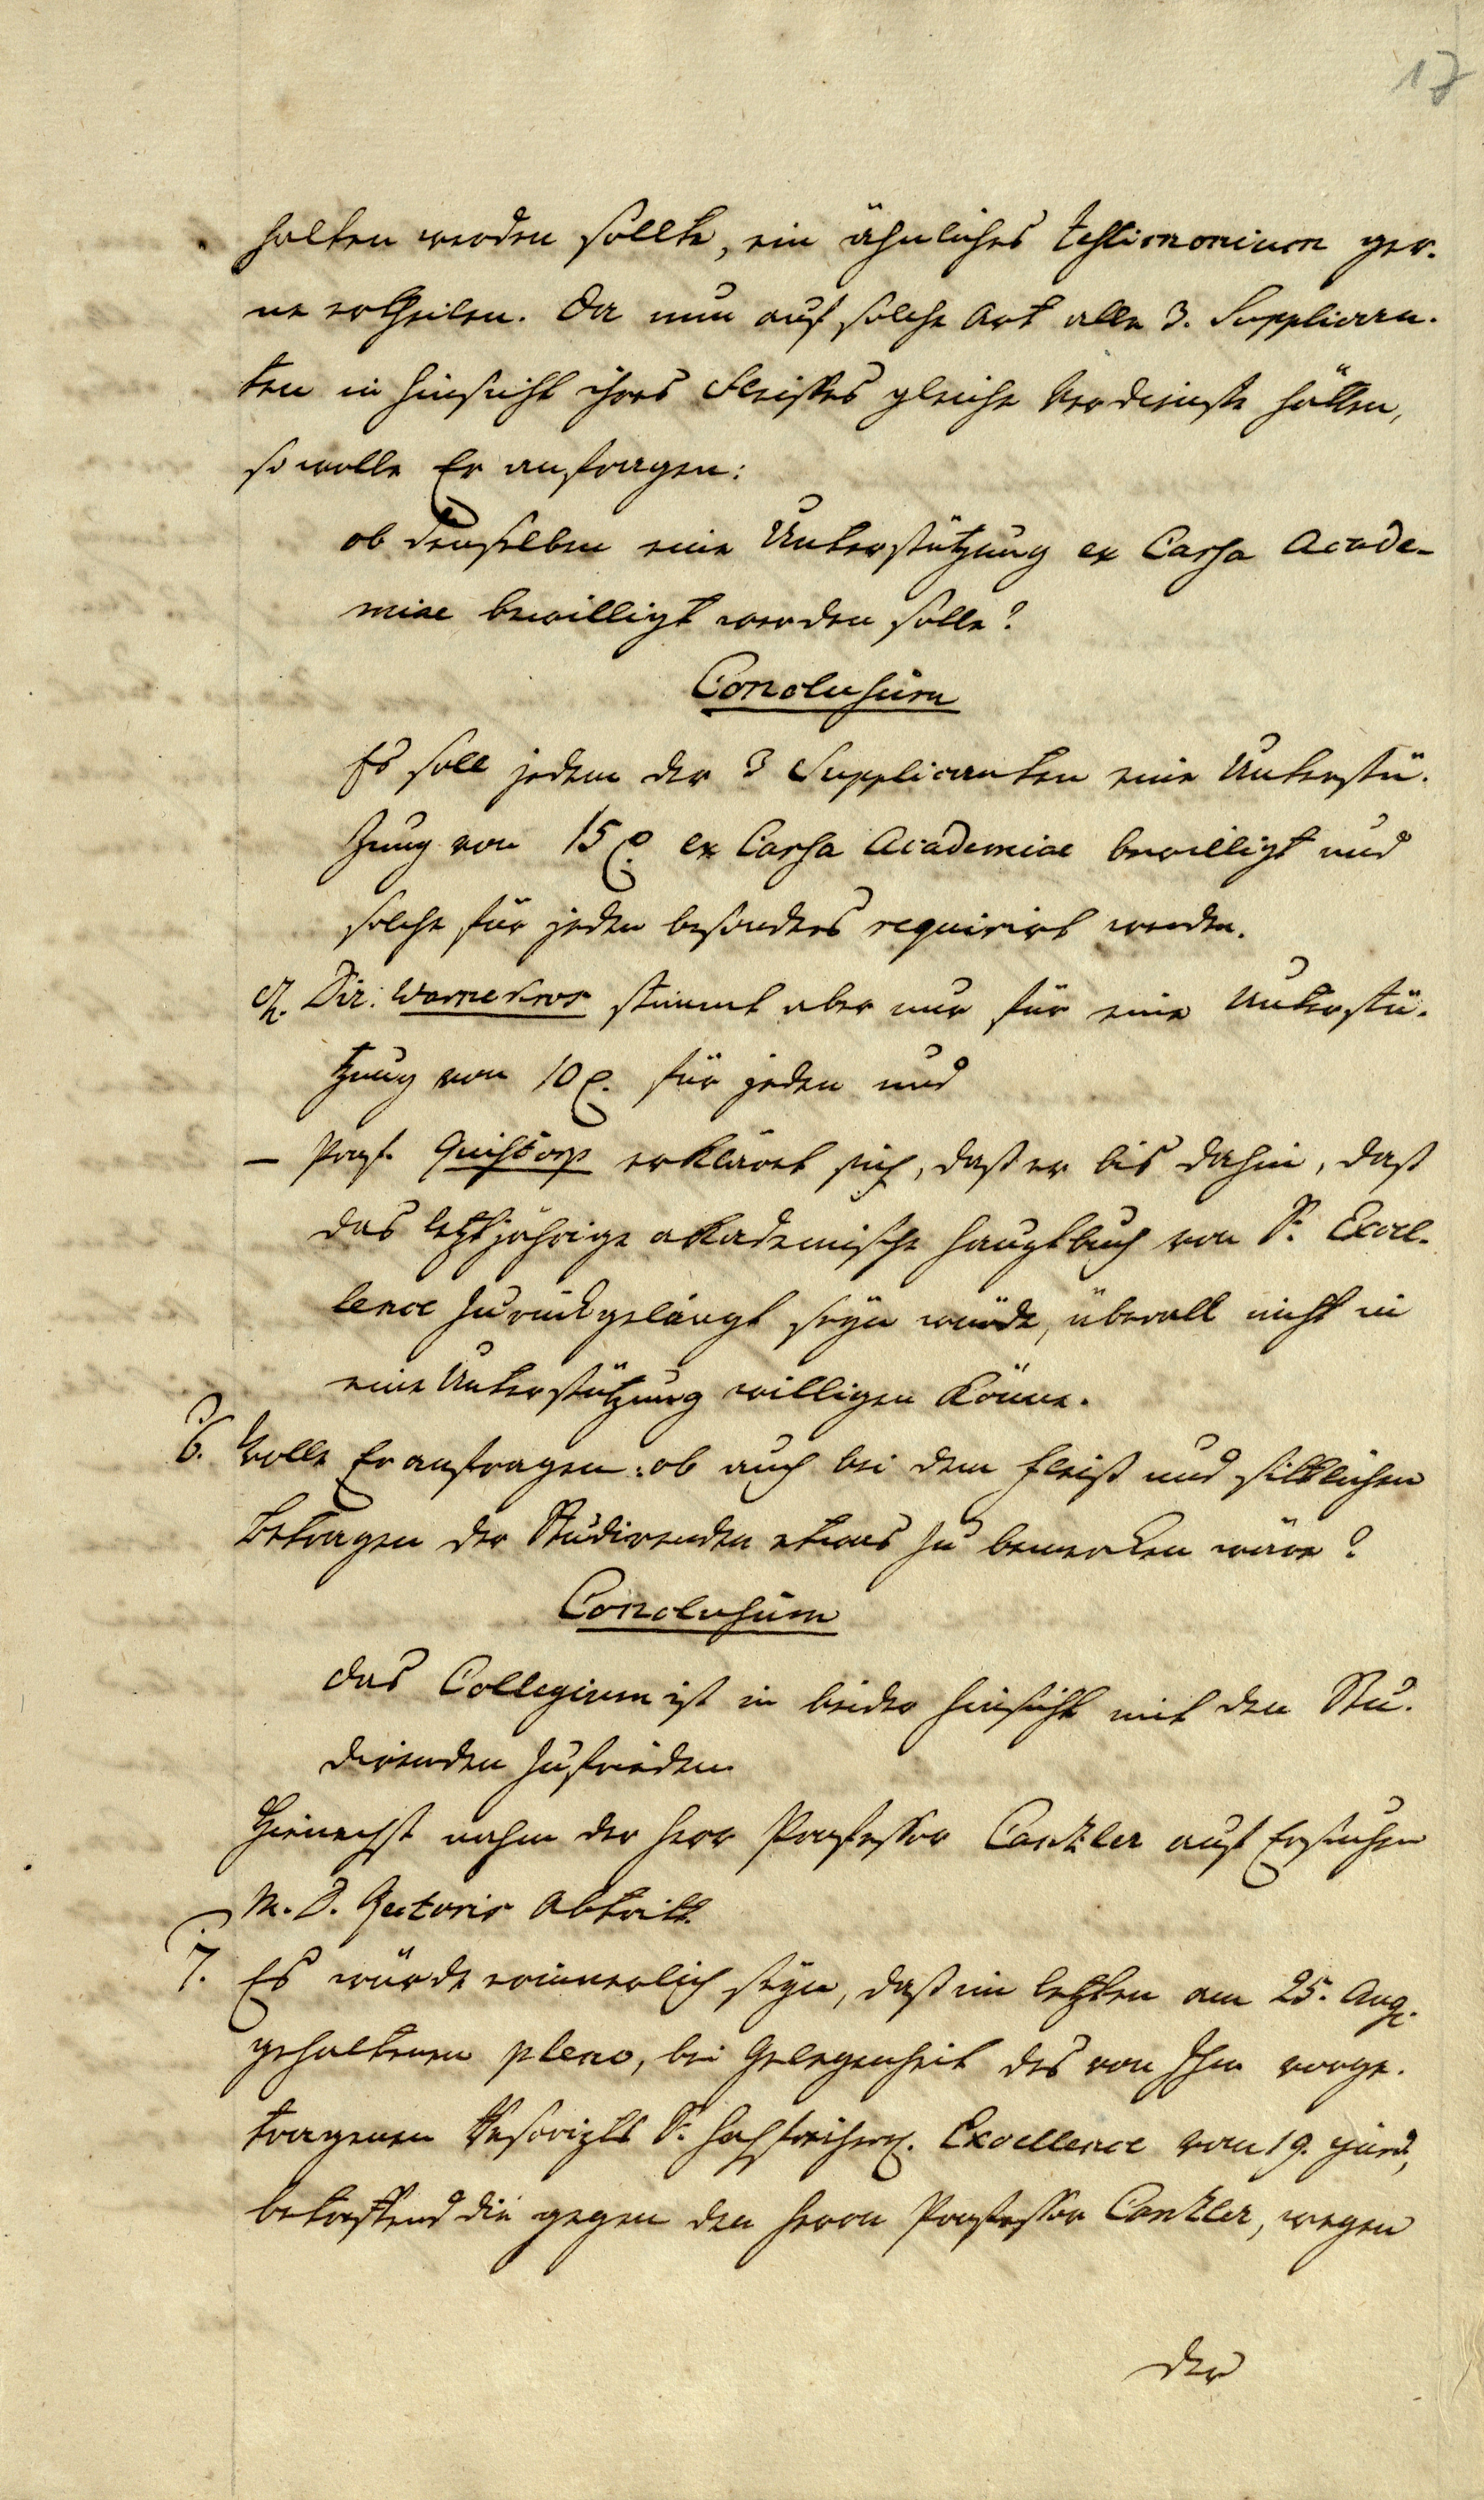halten werden sollte, ein ähnliches testimonium ger¬
ne ertheilen. Da nun auf solche Art alle 3. Supplican¬
ten in Hinsicht ihres Fleisses gleiche Verdienste hätten,
so wolle Er anfragen:
ob denselben eine Unterstützung ex Cassa Acade¬
miae bewilligt werden solle?
Conclusum
Es soll jedem der 3 Supplicanten eine Unterstü¬
tzung von 15 l. ex Cassa Academiae bewilligt und
solche für jeden besonders requirirt werden.
dh. Dir. Warnekros stimmt aber nur für eine Unterstü¬
tzung von 10 l. für jeden und
Prof. Quistorp erkläret sich, daß er bis dahin, daß
das letztjährige akademische Hauptbuch von S. Excel¬
lence zurückgelanget seÿn würde, überall nicht in
eine Unterstützung willigen könne.
6. Wolle Er anfragen: ob auch bei dem Fleiß und sittlichen
Betragen der Studirenden etwas zu bemerken wäre?
Conclusum
Das Collegium ist in beider Hinsicht mit den Stu¬
direnden zufrieden.
Hienechst nahm der Herr Professor Canzler auf Ersuchen
M. D. Rectoris Abtritt.
7. Es würde erinnerlich seÿn, daß im letzten am 25. Aug.
gehaltenen pleno, bei Gelegenheit des von Ihm vorge¬
tragenen Rescripts Sr. hochfreiherrl. Excellence vom 19. ejusd,
betreffend die gegen den Herrn Professor Canzler, wegen
der